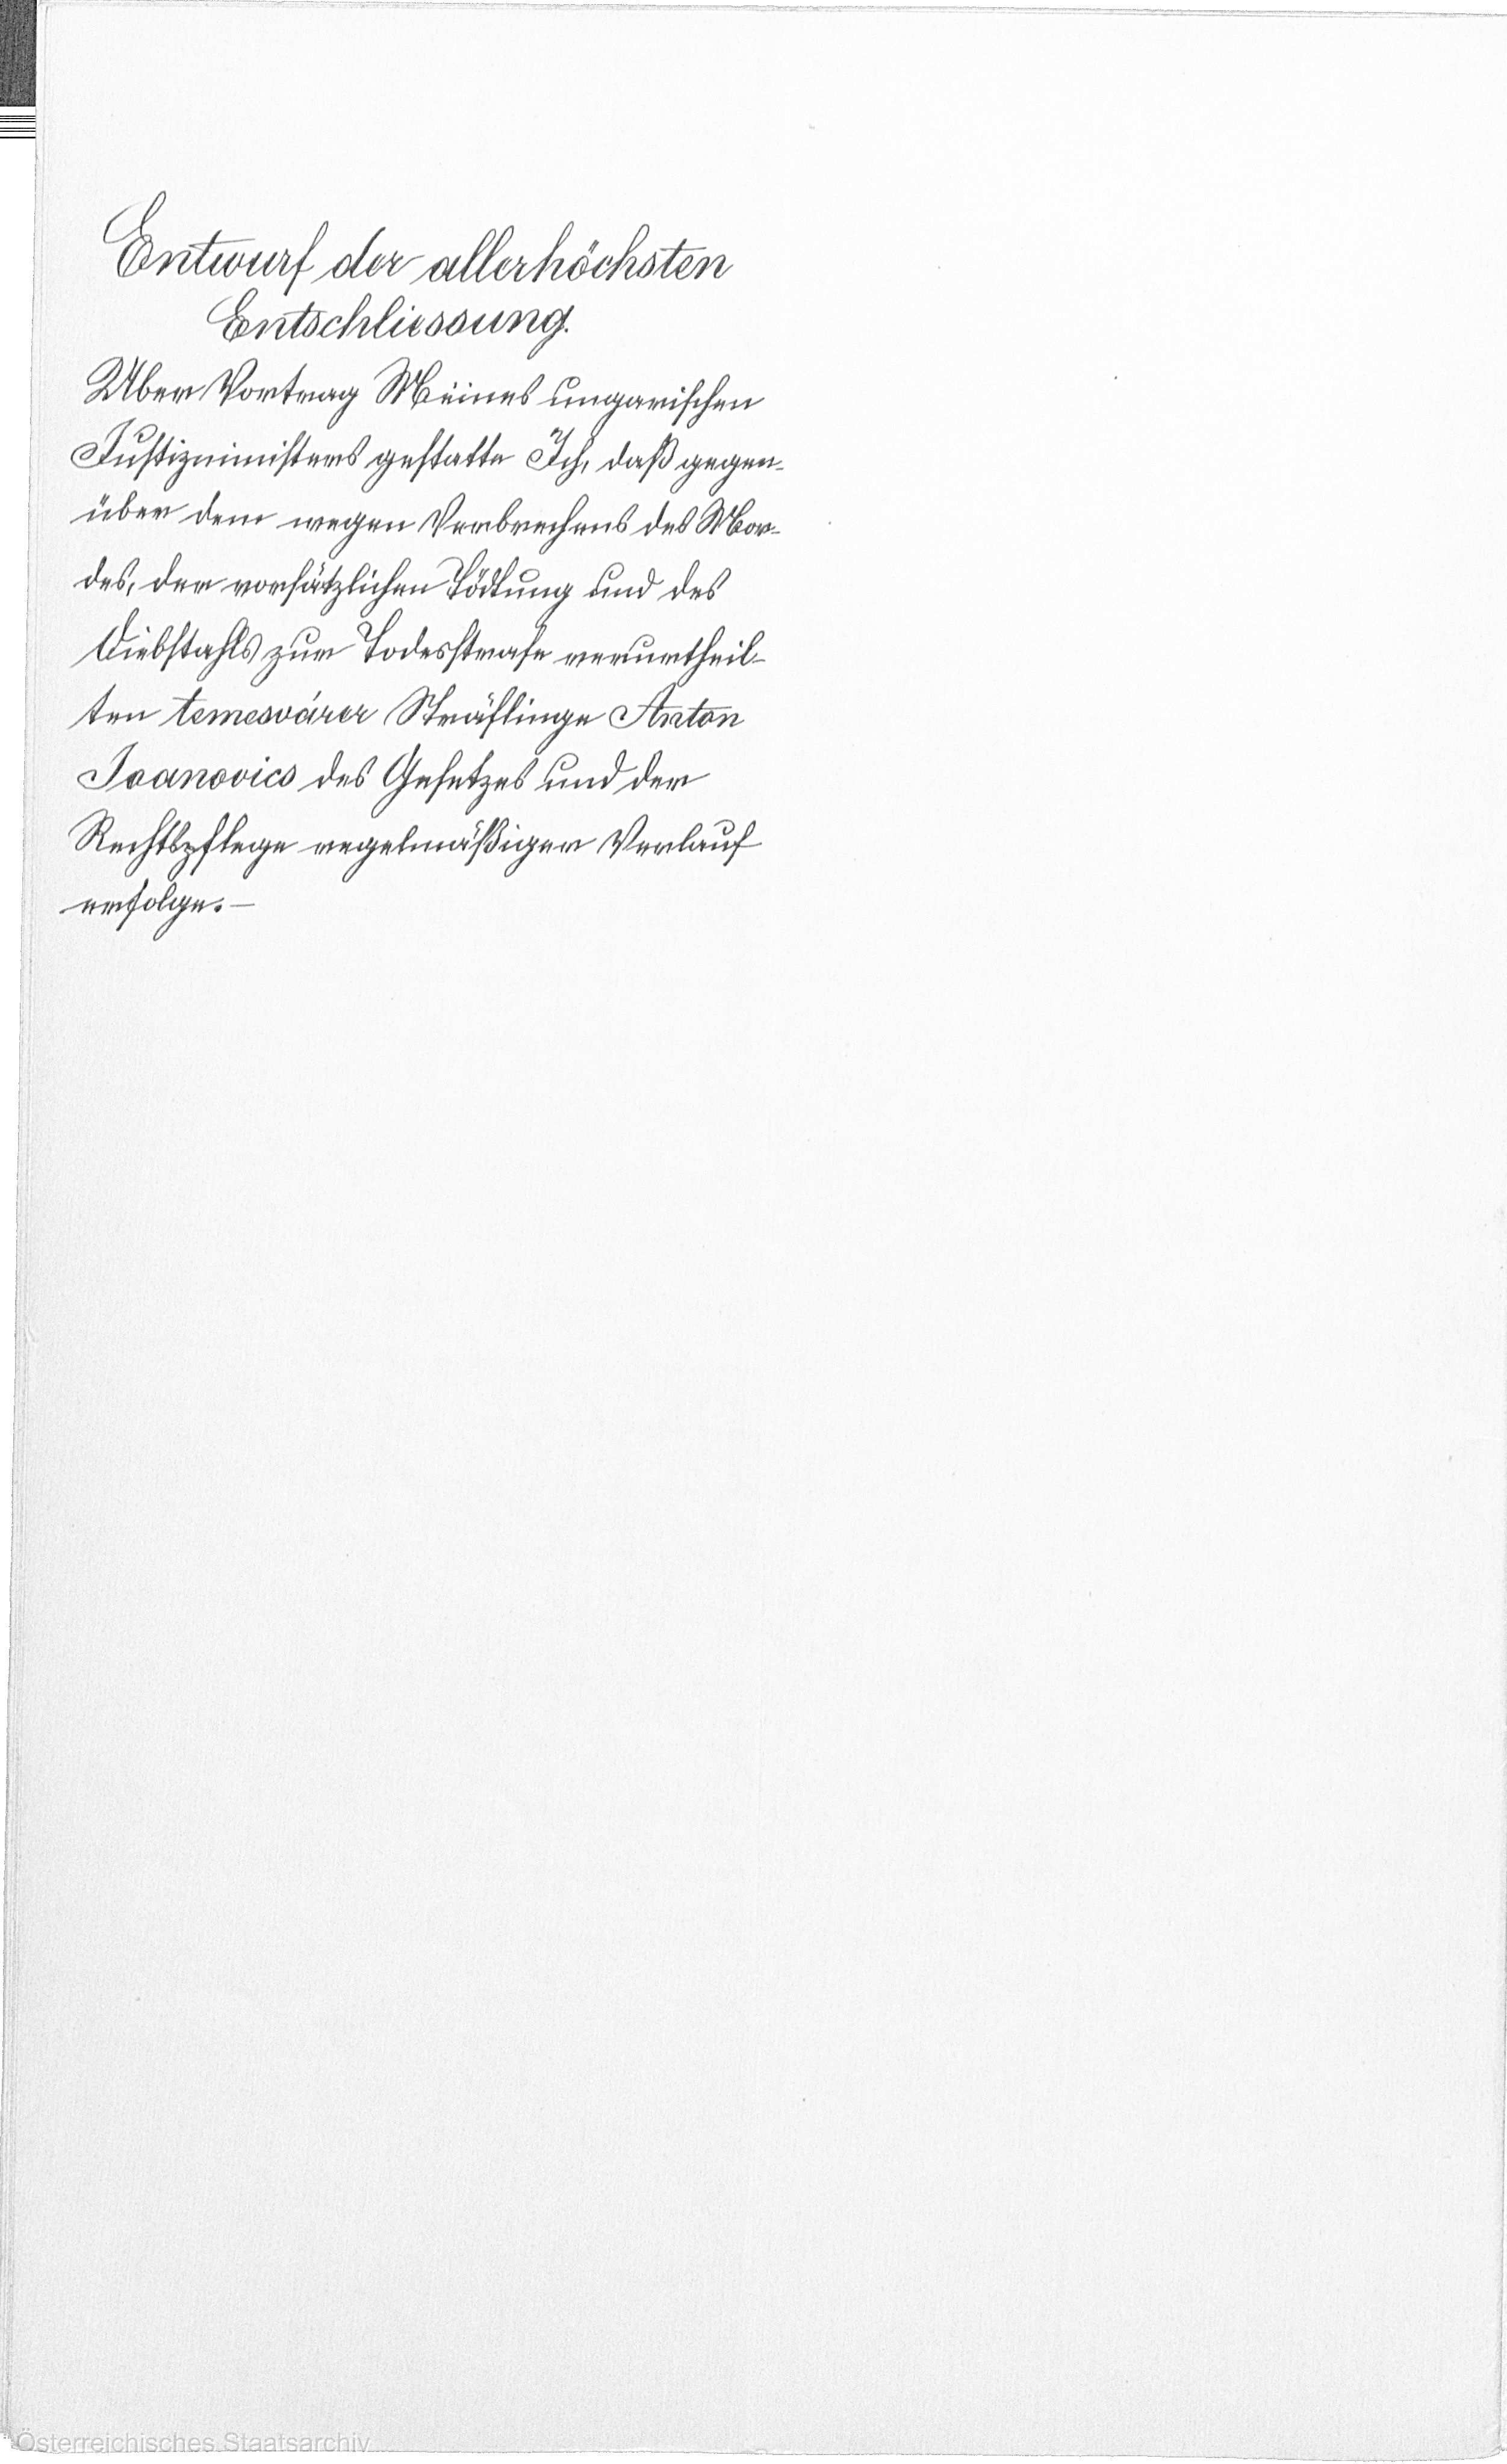Entwurf der allerhöchsten
Entschliessung
Über Vortrag Meines ungarischen
Justizministers gestatte Ich, daß gegen¬
über dem wegen Verbrechens des Mor¬
des, der vorsätzlichen Tödtung und des
Diebstahls zur Todesstrafe verurtheil¬
ten temesvárer Sträflinge Anton
Ioanovics des Gesetzes und der
Rechtspflege regelmäßiger Verlauf
erfolge.